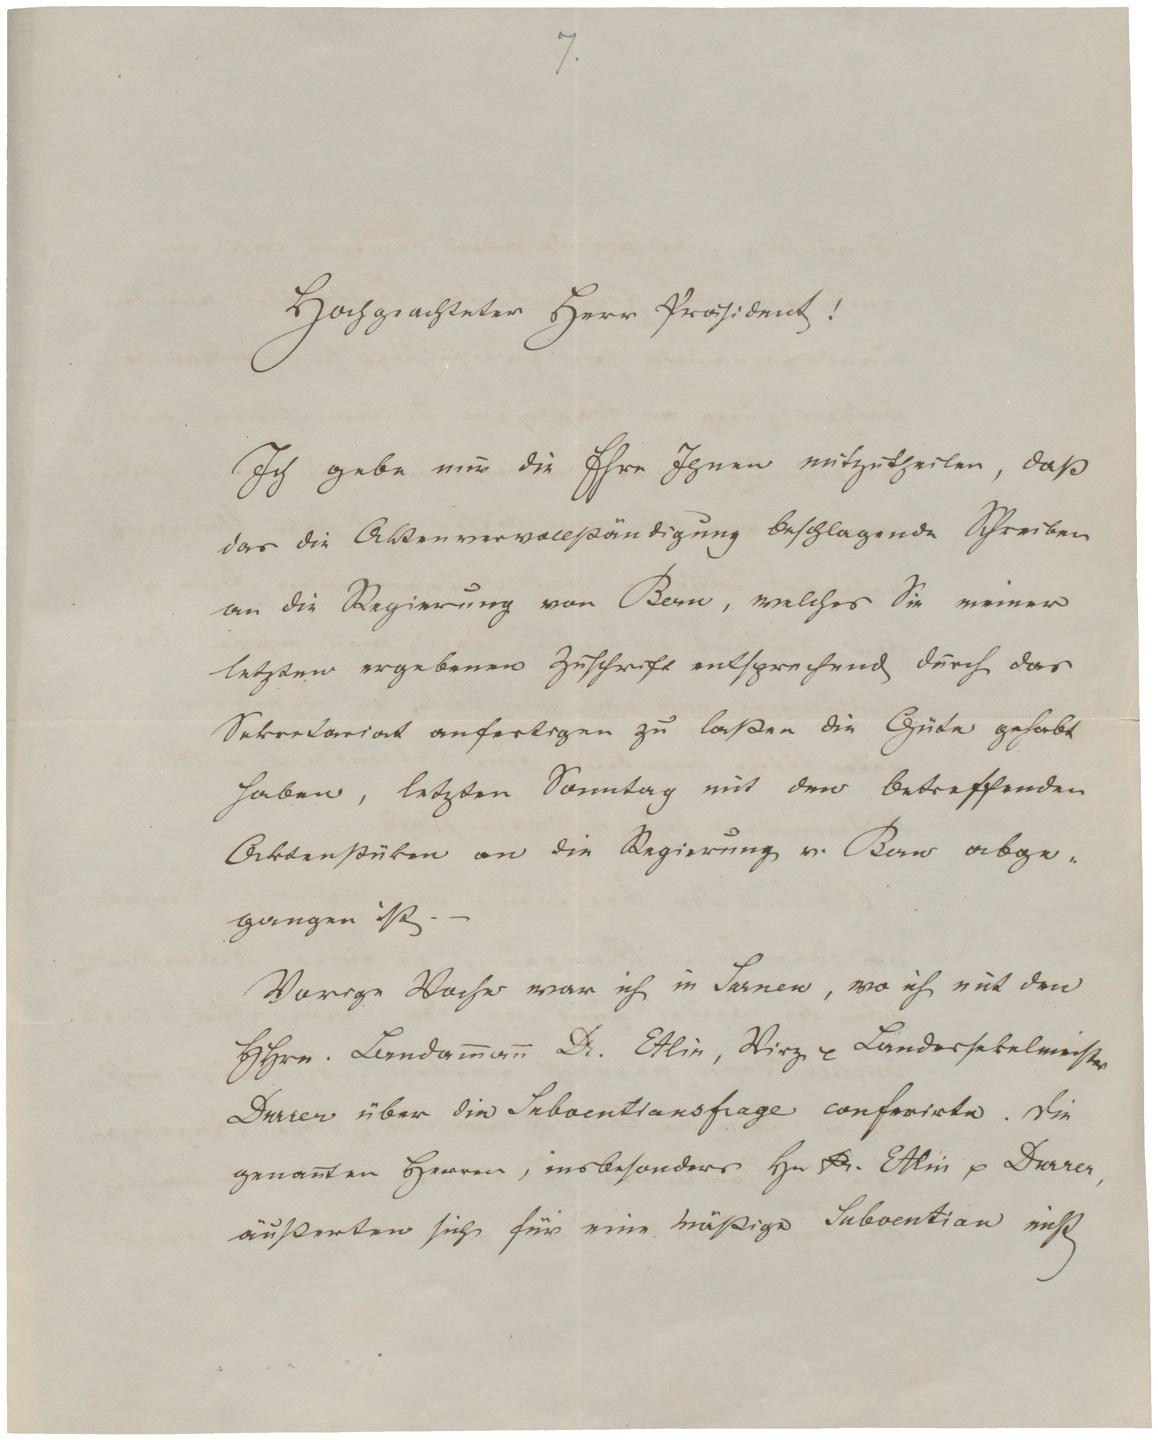Hochgeachteter Herr Präsident!
Ich gebe mir die Ehre Ihnen mitzutheilen, daß
das die Aktenvervollständigung beschlagende Schreiben
an die Regierung von Bern, welches Sie meiner
letzten ergebenen Zuschrift entsprechend durch das
Sekretariat anfertigen zu laßen die Güte gehabt
haben, letzten Sonntag mit den betreffenden
Aktenstüken an die Regierung v. Bern abge-
gangen ist. –
Vorige Woche war ich in Sarnen, wo ich mit den
HHrn. Landammann Dr. Etlin, Wirz & Landessekelmeister
Durrer über die Subventionsfrage conferirte. Die
genannten Herren, insbesonders Hr Dr. Etlin & Durrer,
äußerten sich für eine mäßige Subvention nicht